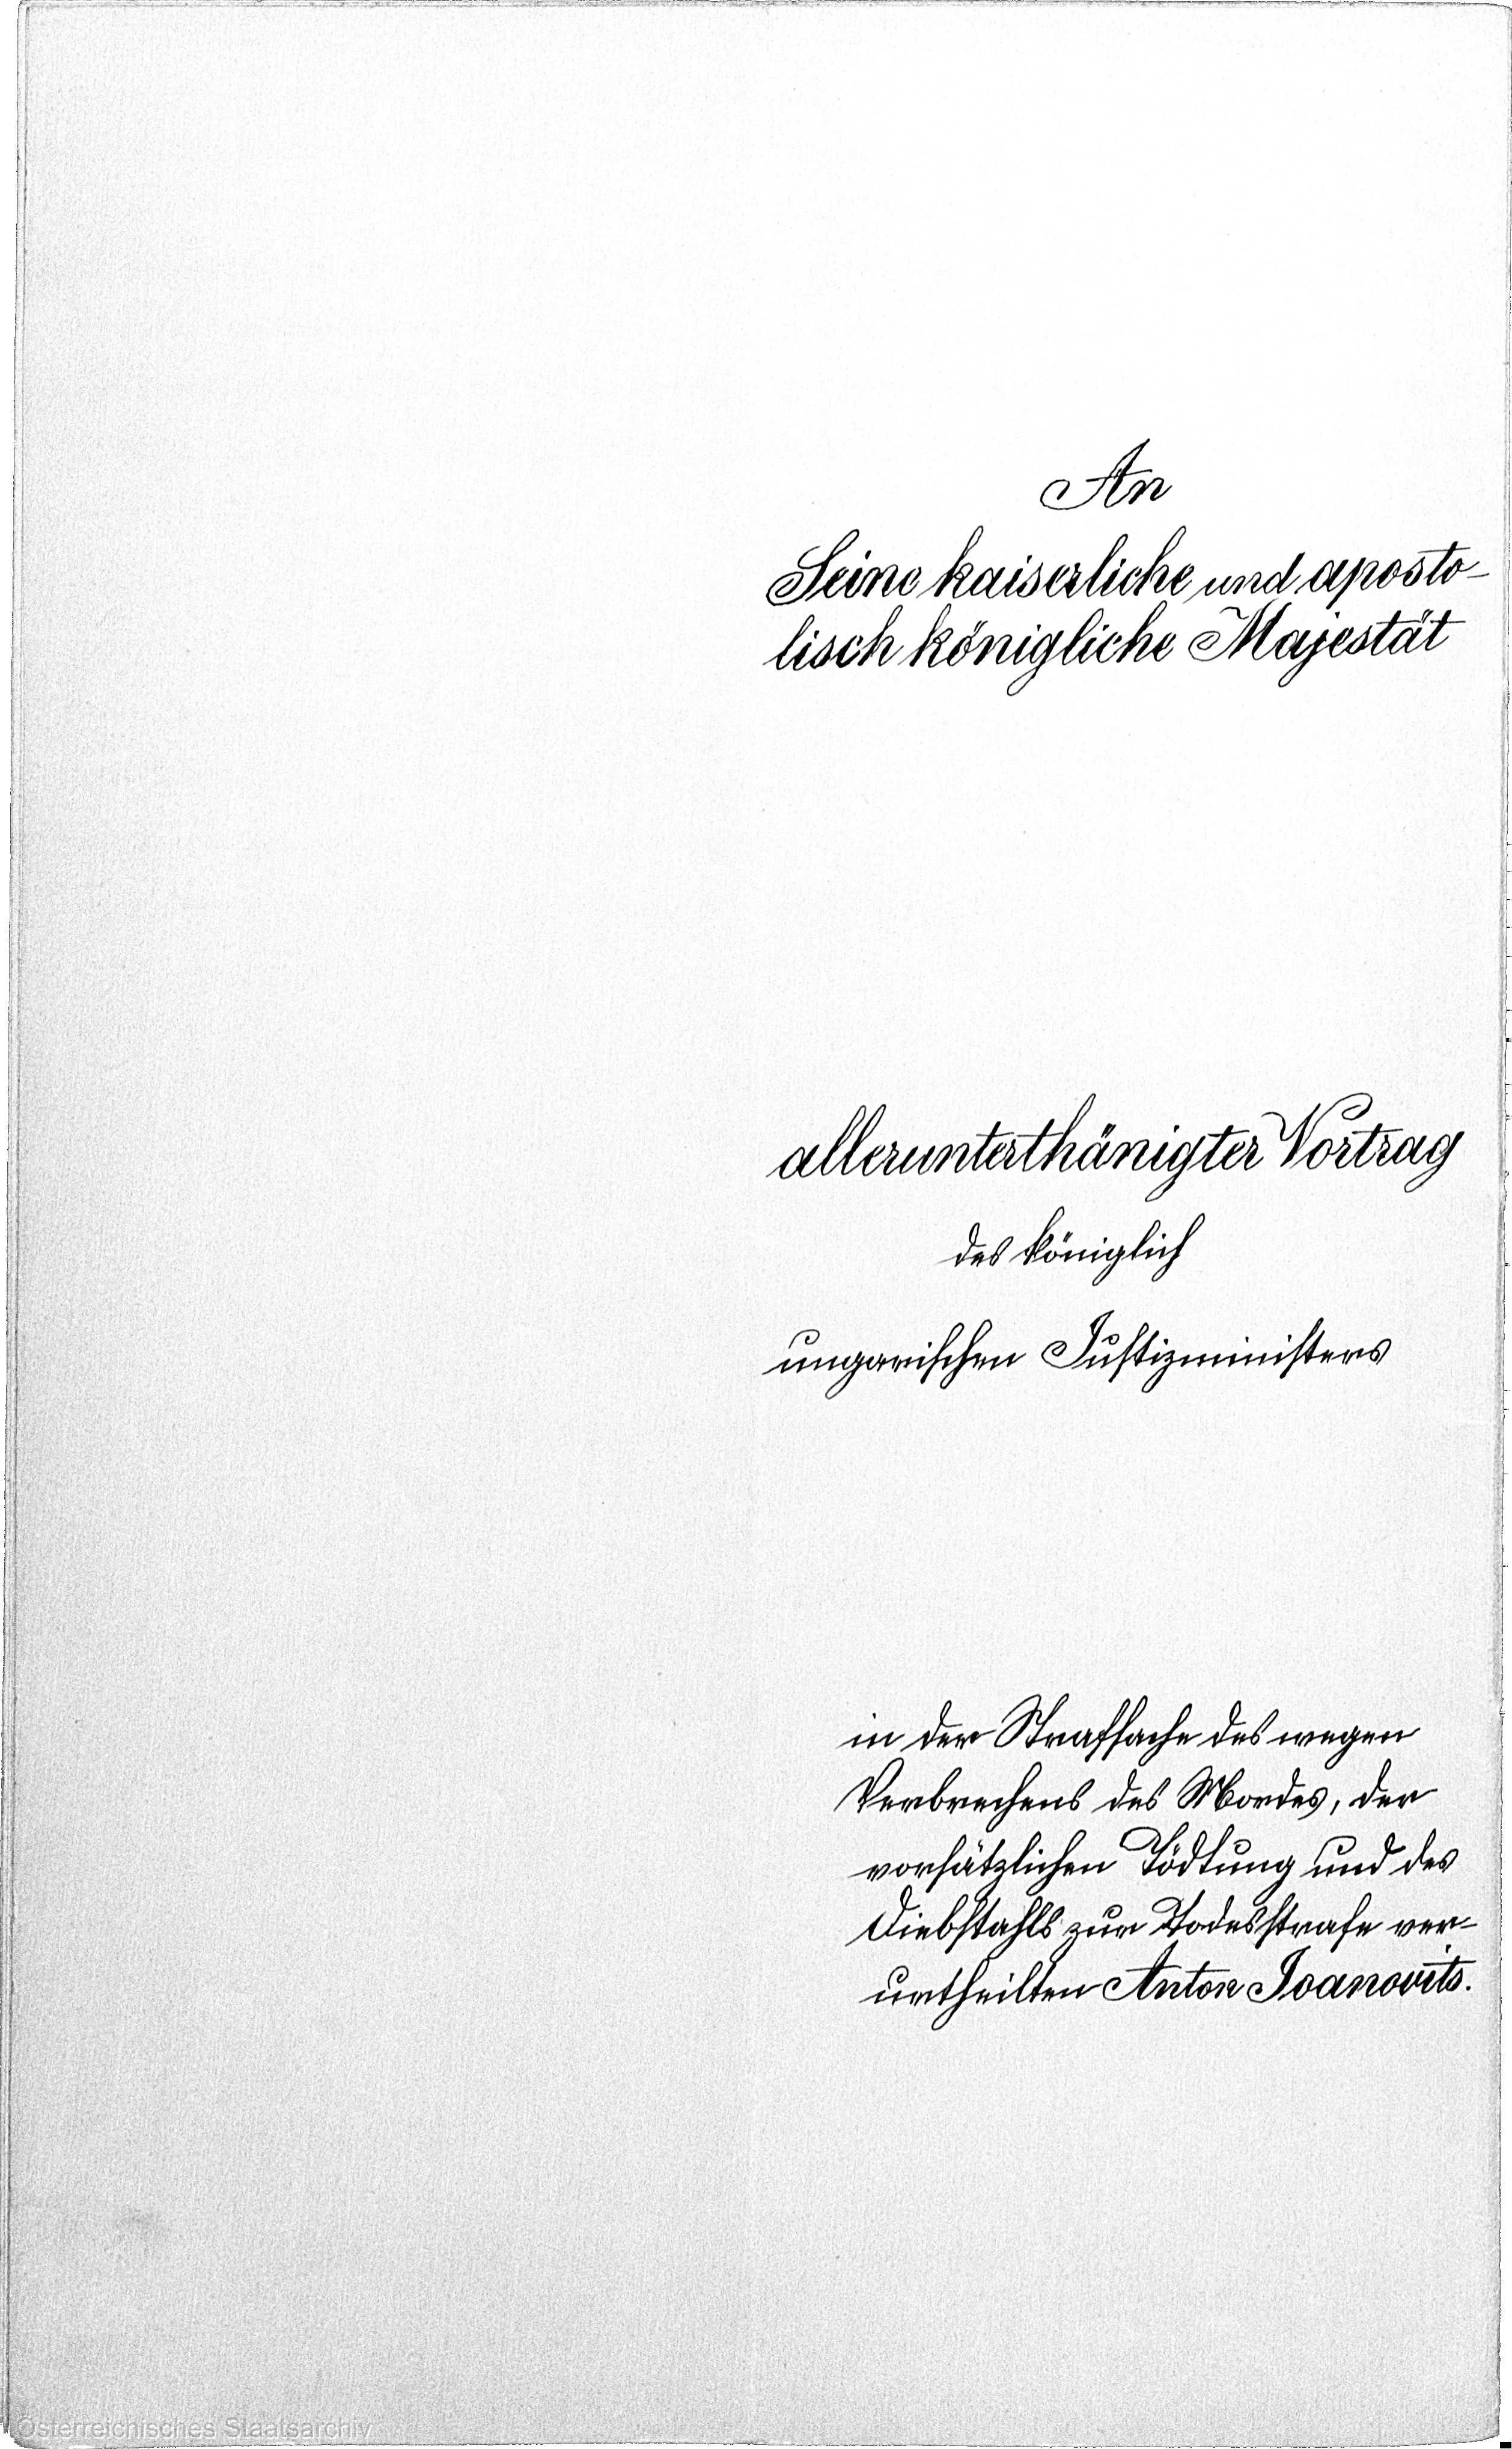An
seine kaiserliche und aposto¬
lisch königliche Majestät
Allerunterthänigster Vortrag
des königlich
ungarischen Justizministers
in der Strafsache des wegen
Verbrechens des Mordes, der
vorsätzlichen Tödtung und des
Diebstahls zur Todesstrafe ver¬
urtheilten Anton Ioanovits